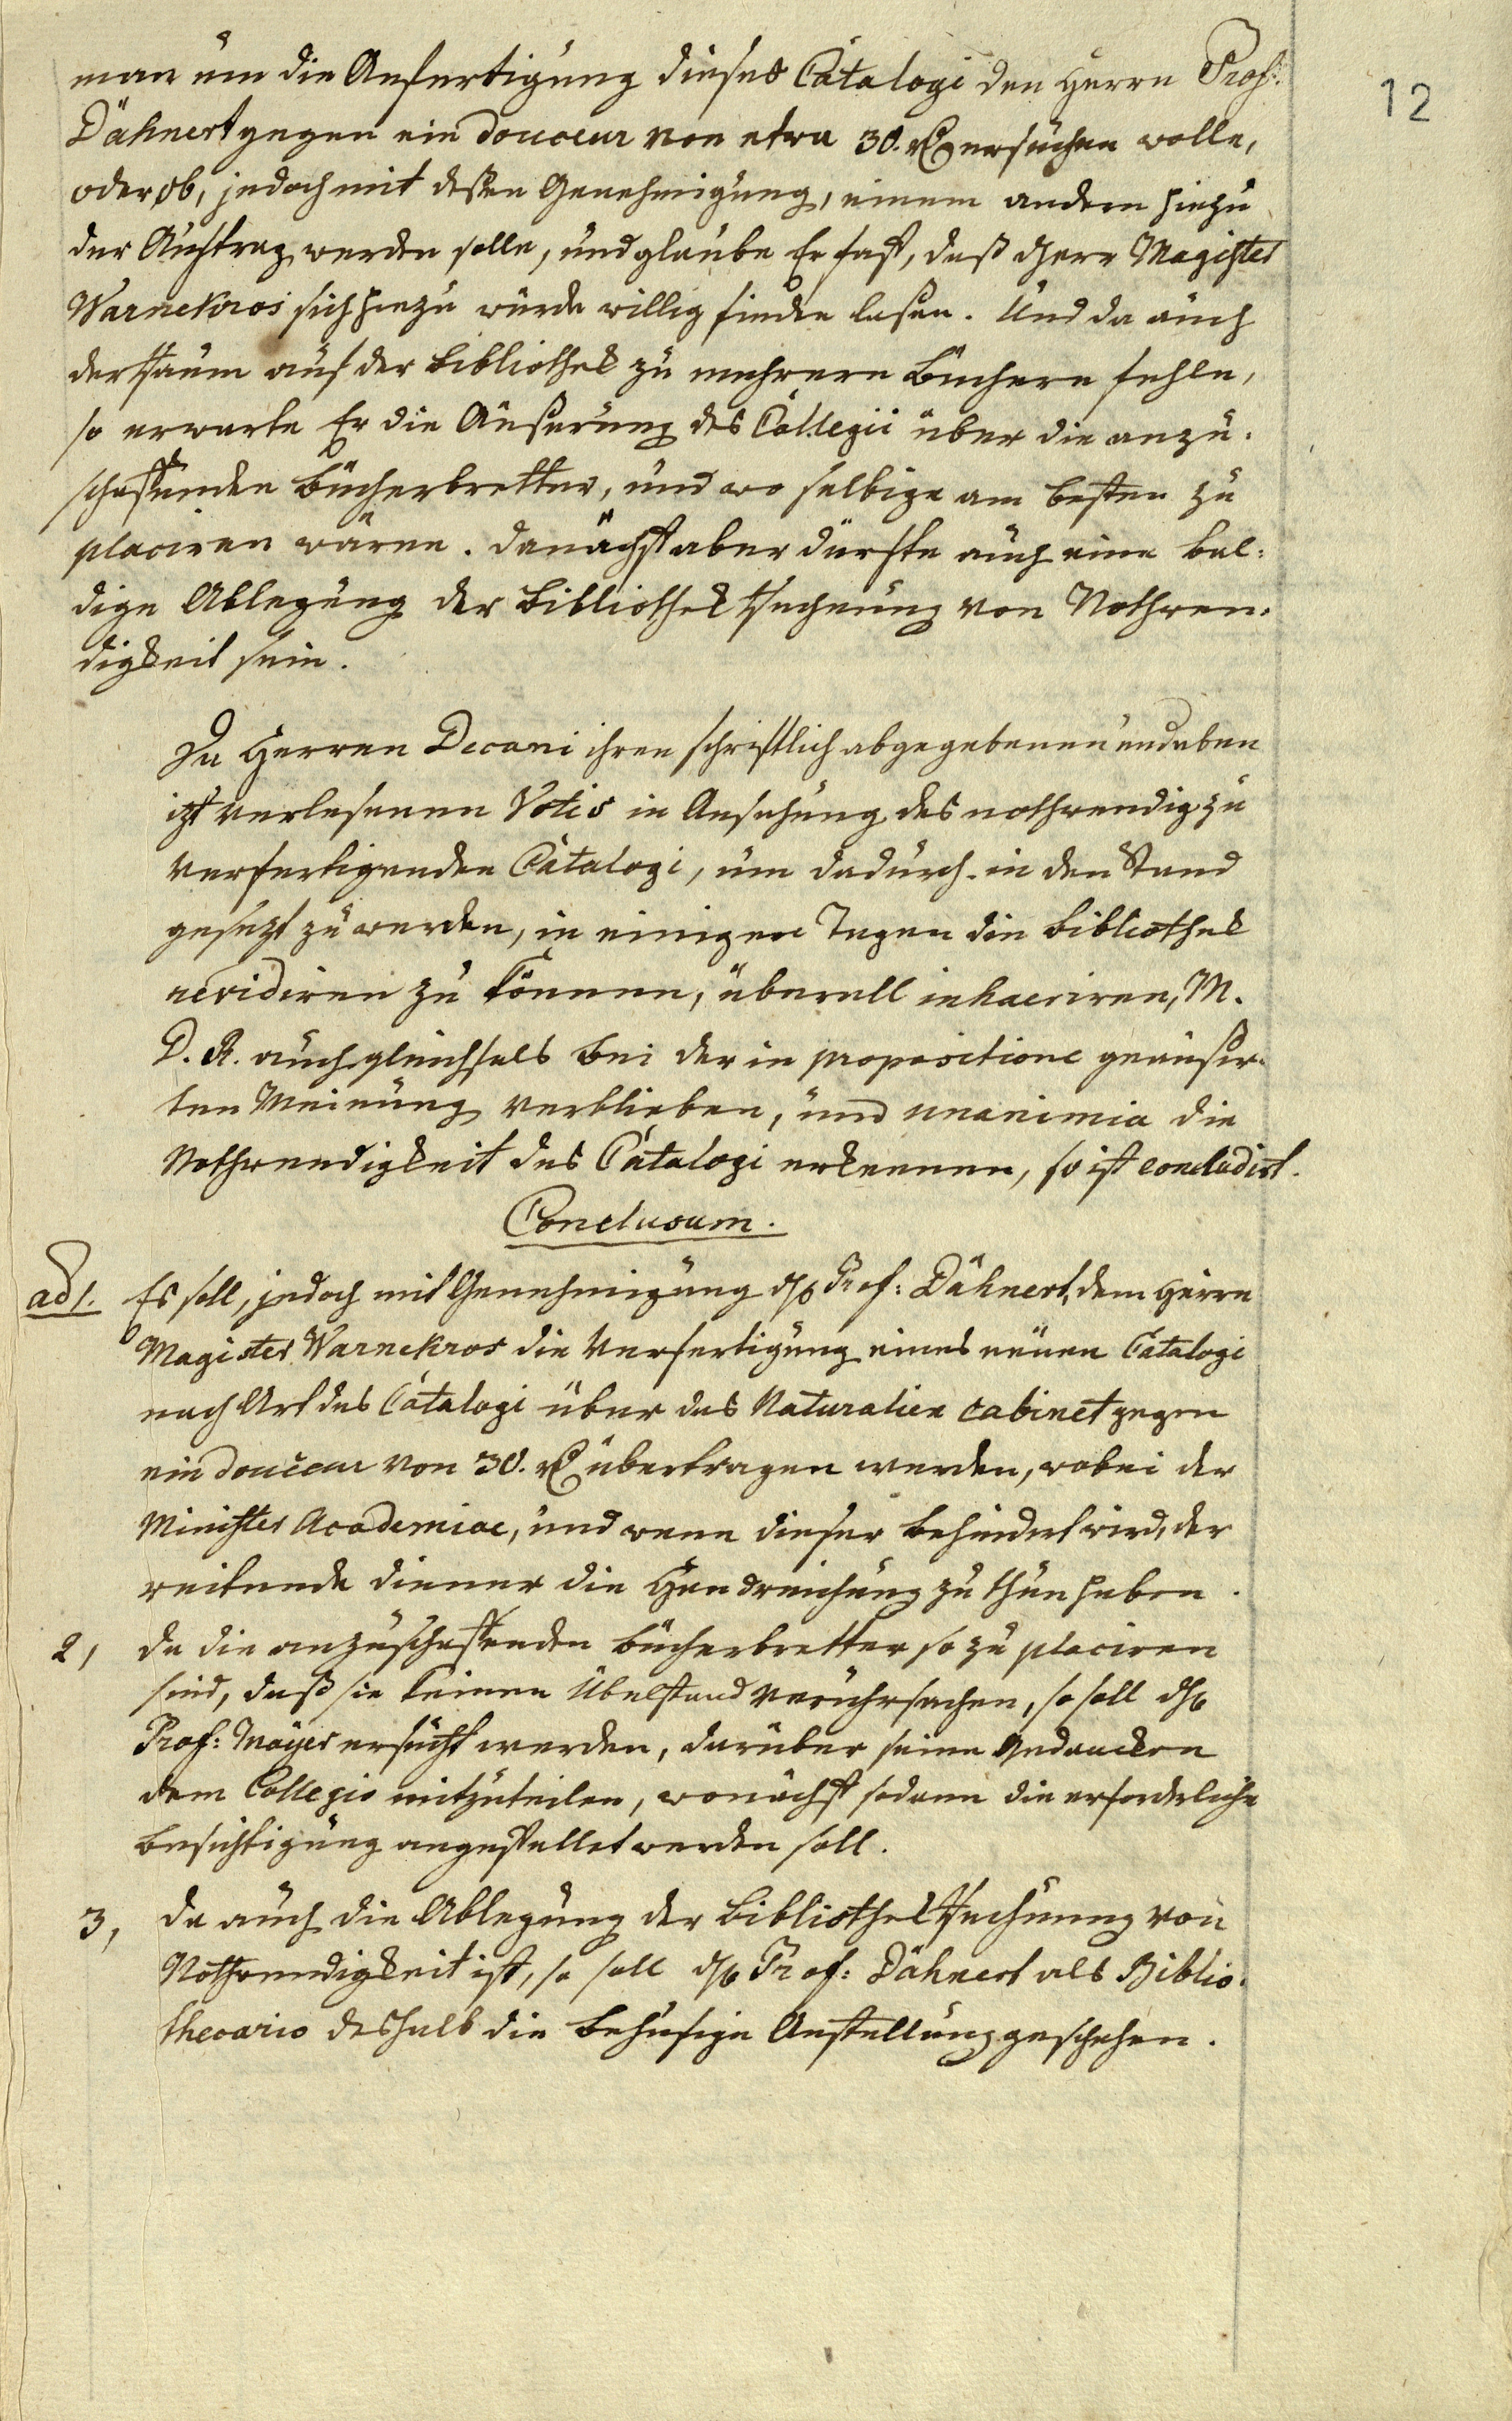man um die Anfertigung dieses Catalogi den Herrn Prof.
Dähnert gegen ein douceur von etwa 30 rtl ersuchen wolle,
oder ob, jedoch mit dessen Genehmigung einem andern hiezu
der Auftrag werden solle, und glaube Er fast, daß der Magister
Warnekros sich hiezu würde willig finden laßen. Und da auch
der Raum auf der Bibliothek zu mehrern Büchern fehle,
so erwarte Er die Äußerung des Collegii über die anzu¬
schaffenden Bücherbretter, und wo selbige an besten zu
placiren wären. Danächst aber dürfte auch eine bal¬
dige Ablegung der Bibliothek Rechnung von Nothwen¬
digkeit sein.
Da Herren Decani ihren schriftlich abgegebenen und eben
itzt verlesenen Votis in Ansehung des nothwendig zu
verfertigenden Catalogi, um dadurch, in den Stand
gesetzt zu werden, in einigen Tagen die Bibliothek
revidiren zu können, überall inhaeriren, M.
D. R. auch gleichfals bei der in propositione geäußer¬
ten Meinung verblieben, und unanimia die
Nothwendigkeit des Catalogi erkennen, so ist concludirt.
Conclusum
ad 1. Es soll, jedoch mit Genehmigung dh Prof: Dähnert, dem Herrn
Magister Warnekros die Verfertigung eines neuen Catalogi
nach Art des Catalogi über das Naturalien Cabinet gegen
ein douceur von 30. r. übertragen werden, wobei der
Minister Academiae, und wenn dieser behindert wird, der
reitende Diener die Handreichung zu thun haben.
2, da die anzuschaffenden Bücherbretter so zu placiren
sind, daß sie keinen Übelstand veruhrsachen, so soll dh
Prof. Maÿer ersucht werden, darüber seine Gedanken
dem Collegio mitzuteilen, wonächst sodann die erforderliche
Besichtigung angestellet werden soll.
3, da auch die Ablegung der BibliothekRechnung von
Nothwendigkeit ist, so soll dh Prof. Dähnert als Biblio¬
thecario deshalb die behufige Anstellung geschehen.